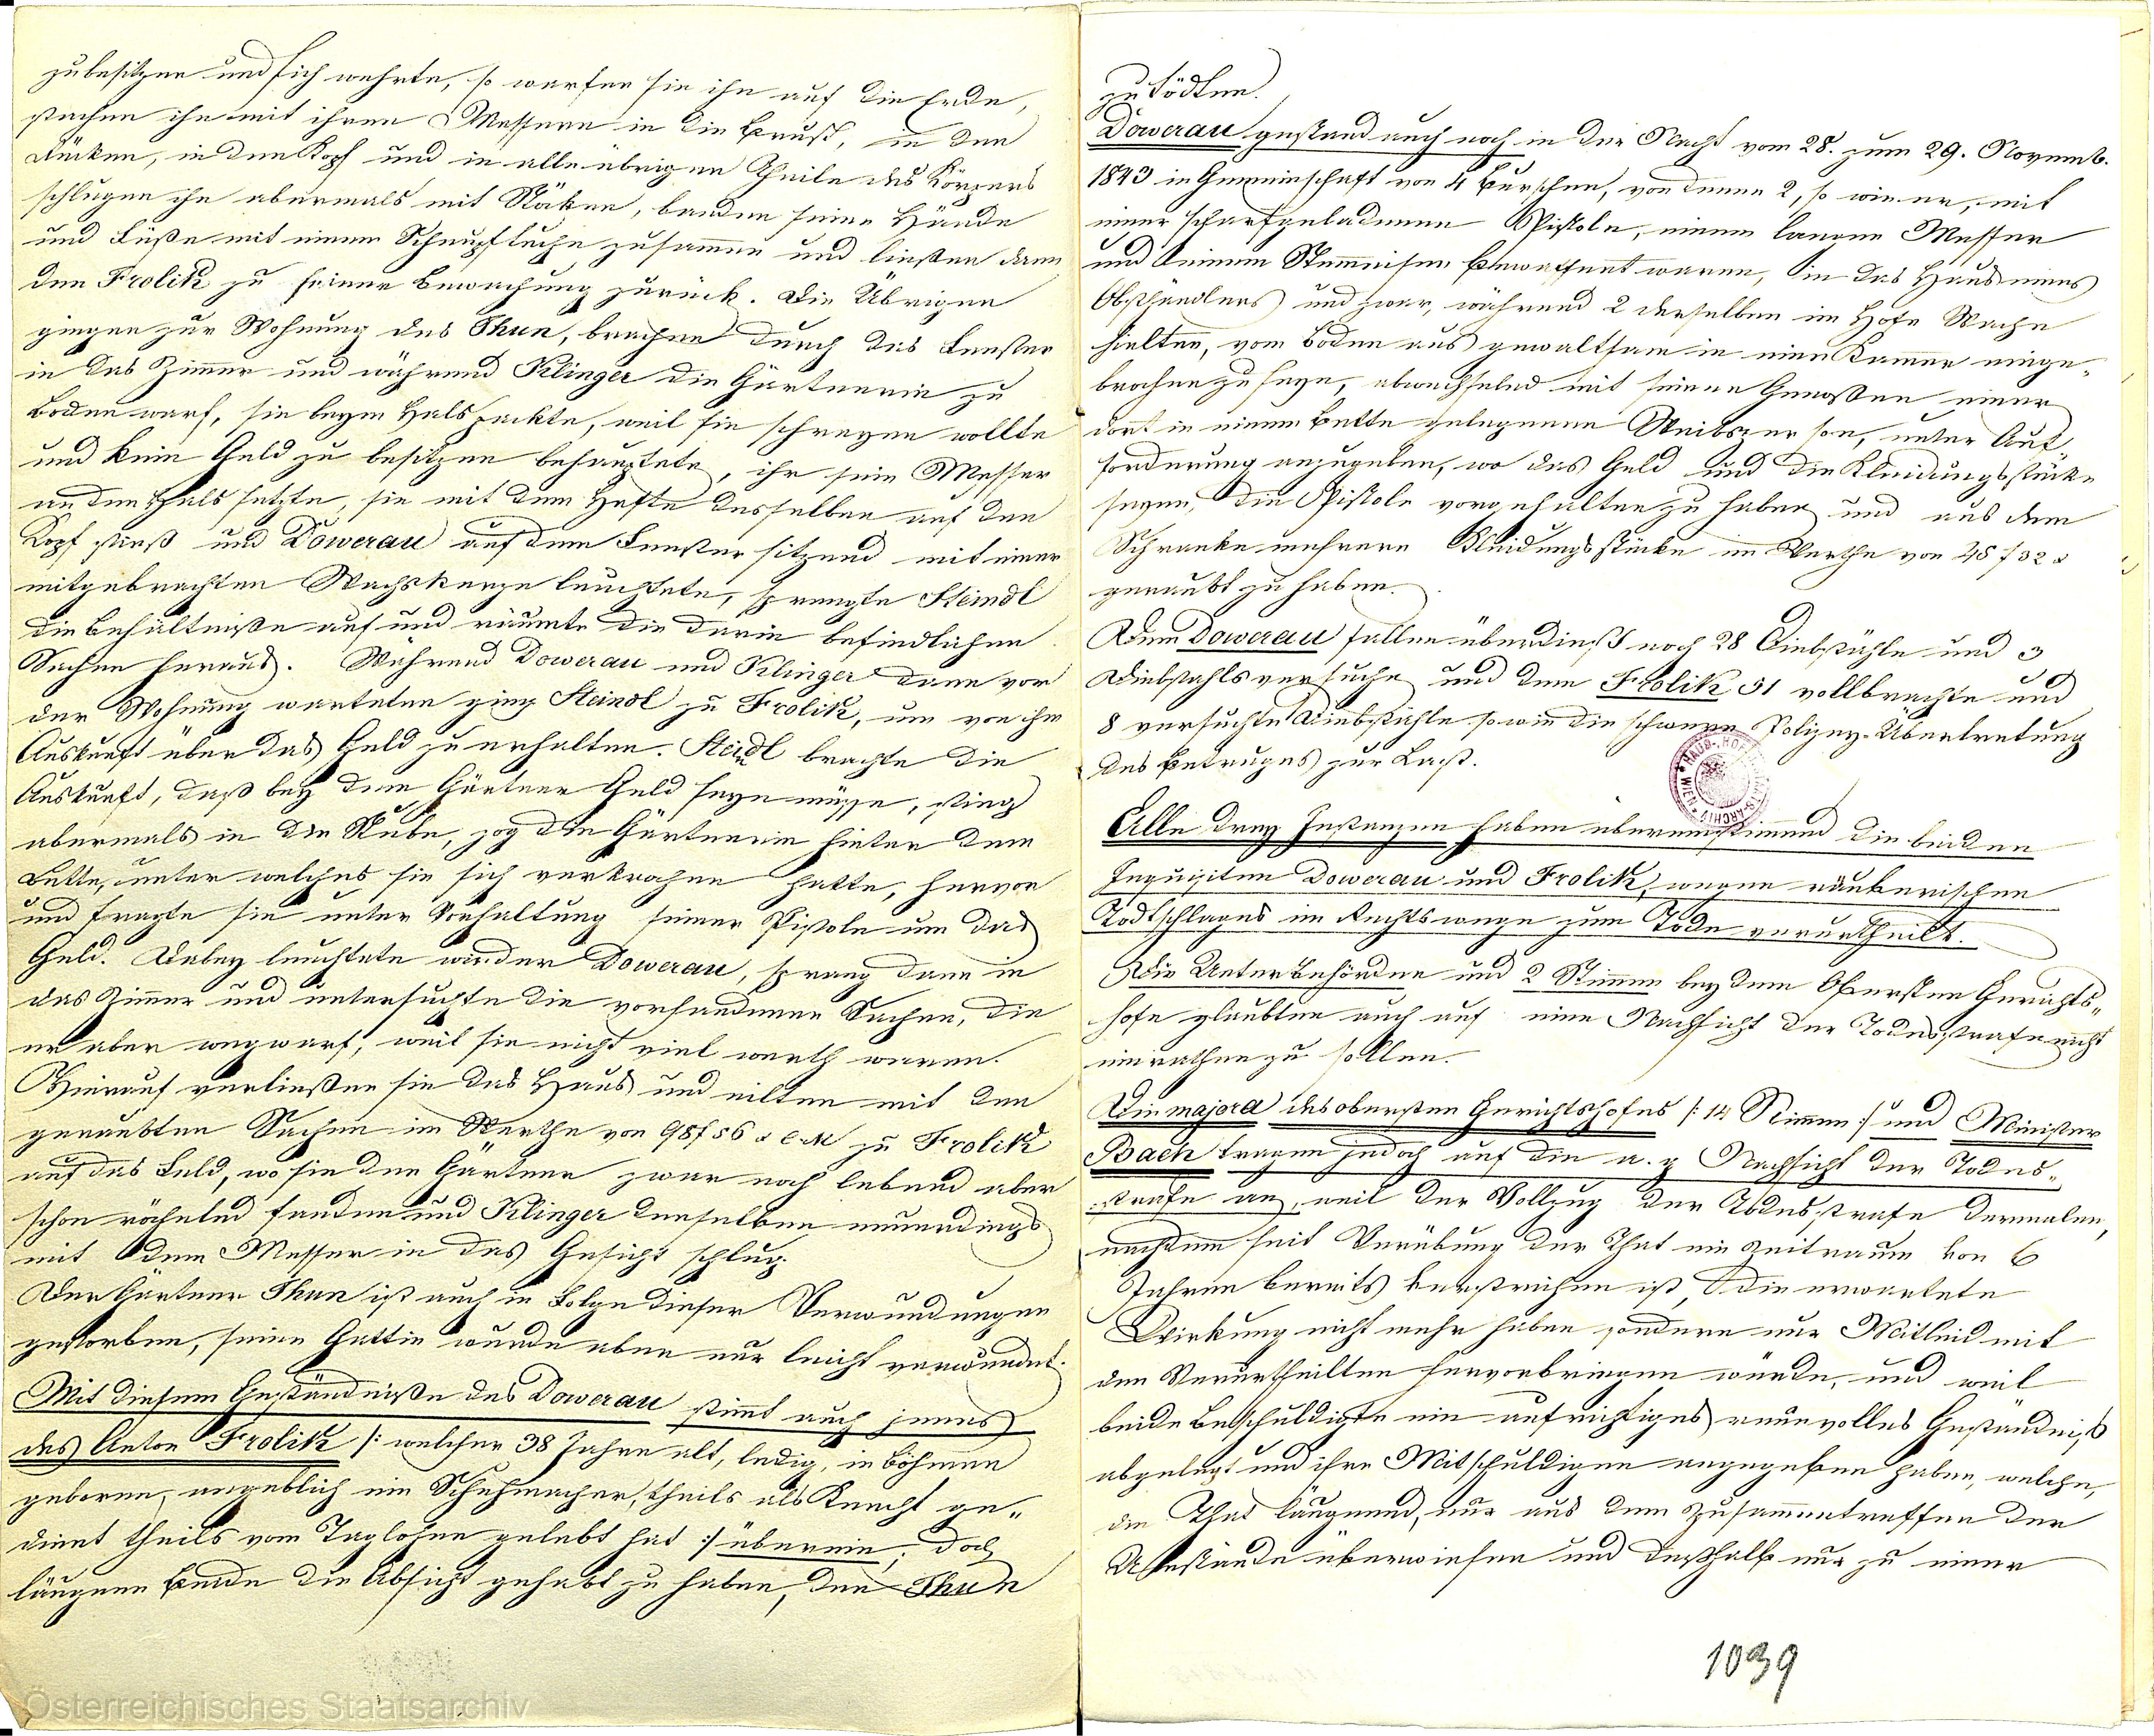zu besitzen und sich wehrte, so warfen sie ihn auf die Erde,
stachen ihn mit ihren Messern in die Brust, in den
Rücken, in den Kopf und in alle übrigen Theile des Körpers
schlugen ihn abermals mit Stöcken, banden seine Hände
und Füße mit einem Schnupfluche zusammen und ließen dann
den Frolik zu seiner Bewachung zurück. Die Übrigen
gingen zur Wohnung des Thun, brachen durch das Fenster
in das Zimmer und während Klinger die Gärtnerin zu
Boden warf, sie beym Hals packte, weil sie schreyen wollte
und kein Geld zu besitzen behauptete, ihr sein Messer
an den Hals setzte, sie mit dem Hefte desselben auf den
Kopf stieß und Dowerau auf dem Fenster sitzend mit einer
mitgebrachten Wachskerze leuchtete, sprengte Heindl
die Behältniße auf und räumte die darin befindlichen
Sachen heraus. Während Dowerau und Klinger dann vor
der Wohnung warteten ging Steindl zu Frolik, um von ihm
Auskunft über das Geld zu erhalten. Steidl brachte die
Auskunft, daß bey dem Gärtner Geld seyn müsse, stieg
abermals in die Stube, zog die Gärtnerin hinter dem
Bette, unter welches sie sich verkrochen hatte, hervor
und fragte sie unter Vorhaltung seiner Pistole um das
Geld. Dabey leuchtete wirder Dowerau, sprang dann in
das Zimmer und untersuchte die vorhandenen Sachen, die
er aber wegwarf, weil sie nicht viel werth waren.
Hierauf verließen sie das Haus und eilten mit den
geräubten Sachen im Werthe von 98f 56x CM zu Frolik
auf das Feld, wo sie den Gärtner zwar noch lebend aber
schon röchelnd fanden und Klinger derselben neuerdings
mit dem Messer in das Gesicht schlug.
Der Gärtner Thun ist auch in Folge dieser Verwundungen
gestorben, seine Gattin wurde aber nur leicht verwundet.
Mit diesem Geständniße des Dowerau stimmt auch jenes
des Anton Frolik (welcher 38 Jahre alt, ledig, in Böhmen
geboren, angeblich ein Schuhmacher, theils als Knecht ge¬
dient theils vom Taglohne gelebt hat) überein; doch
läugnen beide die Absicht gehabt zu haben, den Thun
zu tödten.
Dowerau gestand auch noch in der Nacht vom 28. zum 29. November
1843 in Gemeinschaft von 4 Burschen, von denen 2, so wie er, mit
einer scharfgeladenen Pistole, einen langen Messer
und einem Stemmeisen, bewaffnet waren, in das Haus eines
Obsthändlers und zwar, während 2 derselben im Hofe Wache
hielten, vom Boden aus gewaltsam in eine Kammer einge¬
brochen zu seyn, abwechselnd mit seinen Genoßen einer
dort in einem Bette gelegenen Weibsperson, unter Auf¬
forderung anzugeben, wo das Geld und die Kleidungsstücke
seyen, die Pistole vorgehalten zu haben und aus dem
Schranke mehrere Kleidungsstücke im Werthe von 45f 32 x
geraubt zu haben.
Dem Dowerau fallen überdieß noch 28 Diebstähle und 3
Diebstahslversuche und dem Frolik 31 vollbrachte und
8 versuchte Diebstähle so wie die schweren Polizey-Übertretung
des Betruges zur Last.
Alle drey Instanzen haben übereinstimmend die beiden
Inquisiten Dowerau und Frolik, wegen räuberischen
Todtschlages im Rechtswege zum Tode verurtheilt.
Die Unterbehörden und 2 Stimmen bey dem Obersten Gerichts¬
hofe glaubten auch auf eine Nachsicht der Todesstrafe nicht
einrathen zu sollen.
Die majora des obersten Gerichtshofes (14 Stimmen) und Minister
Bach tragen jedoch auf die a.g. Nachsicht der Todes¬
strafe an, weil der Vollzug der Todesstrafe dermalen,
nachdem seit Verübung der That ein Zeitraum von 6
Jahren bereits verstrichen ist, die erwartete
Wirkung nicht mehr haben sondern nur Mitleid mit
dem Verurtheilten hervorbringen würde, und weil
beide Beschuldigte ein aufrichtiges reuevolles Geständniß
abgelegt und ihre Mitschuldigen angegeben gaben, welche,
die That läugnend, nur aus dem Zusammentreffen der
Umstände überwiesen und deßhalb nur zu einer
1039